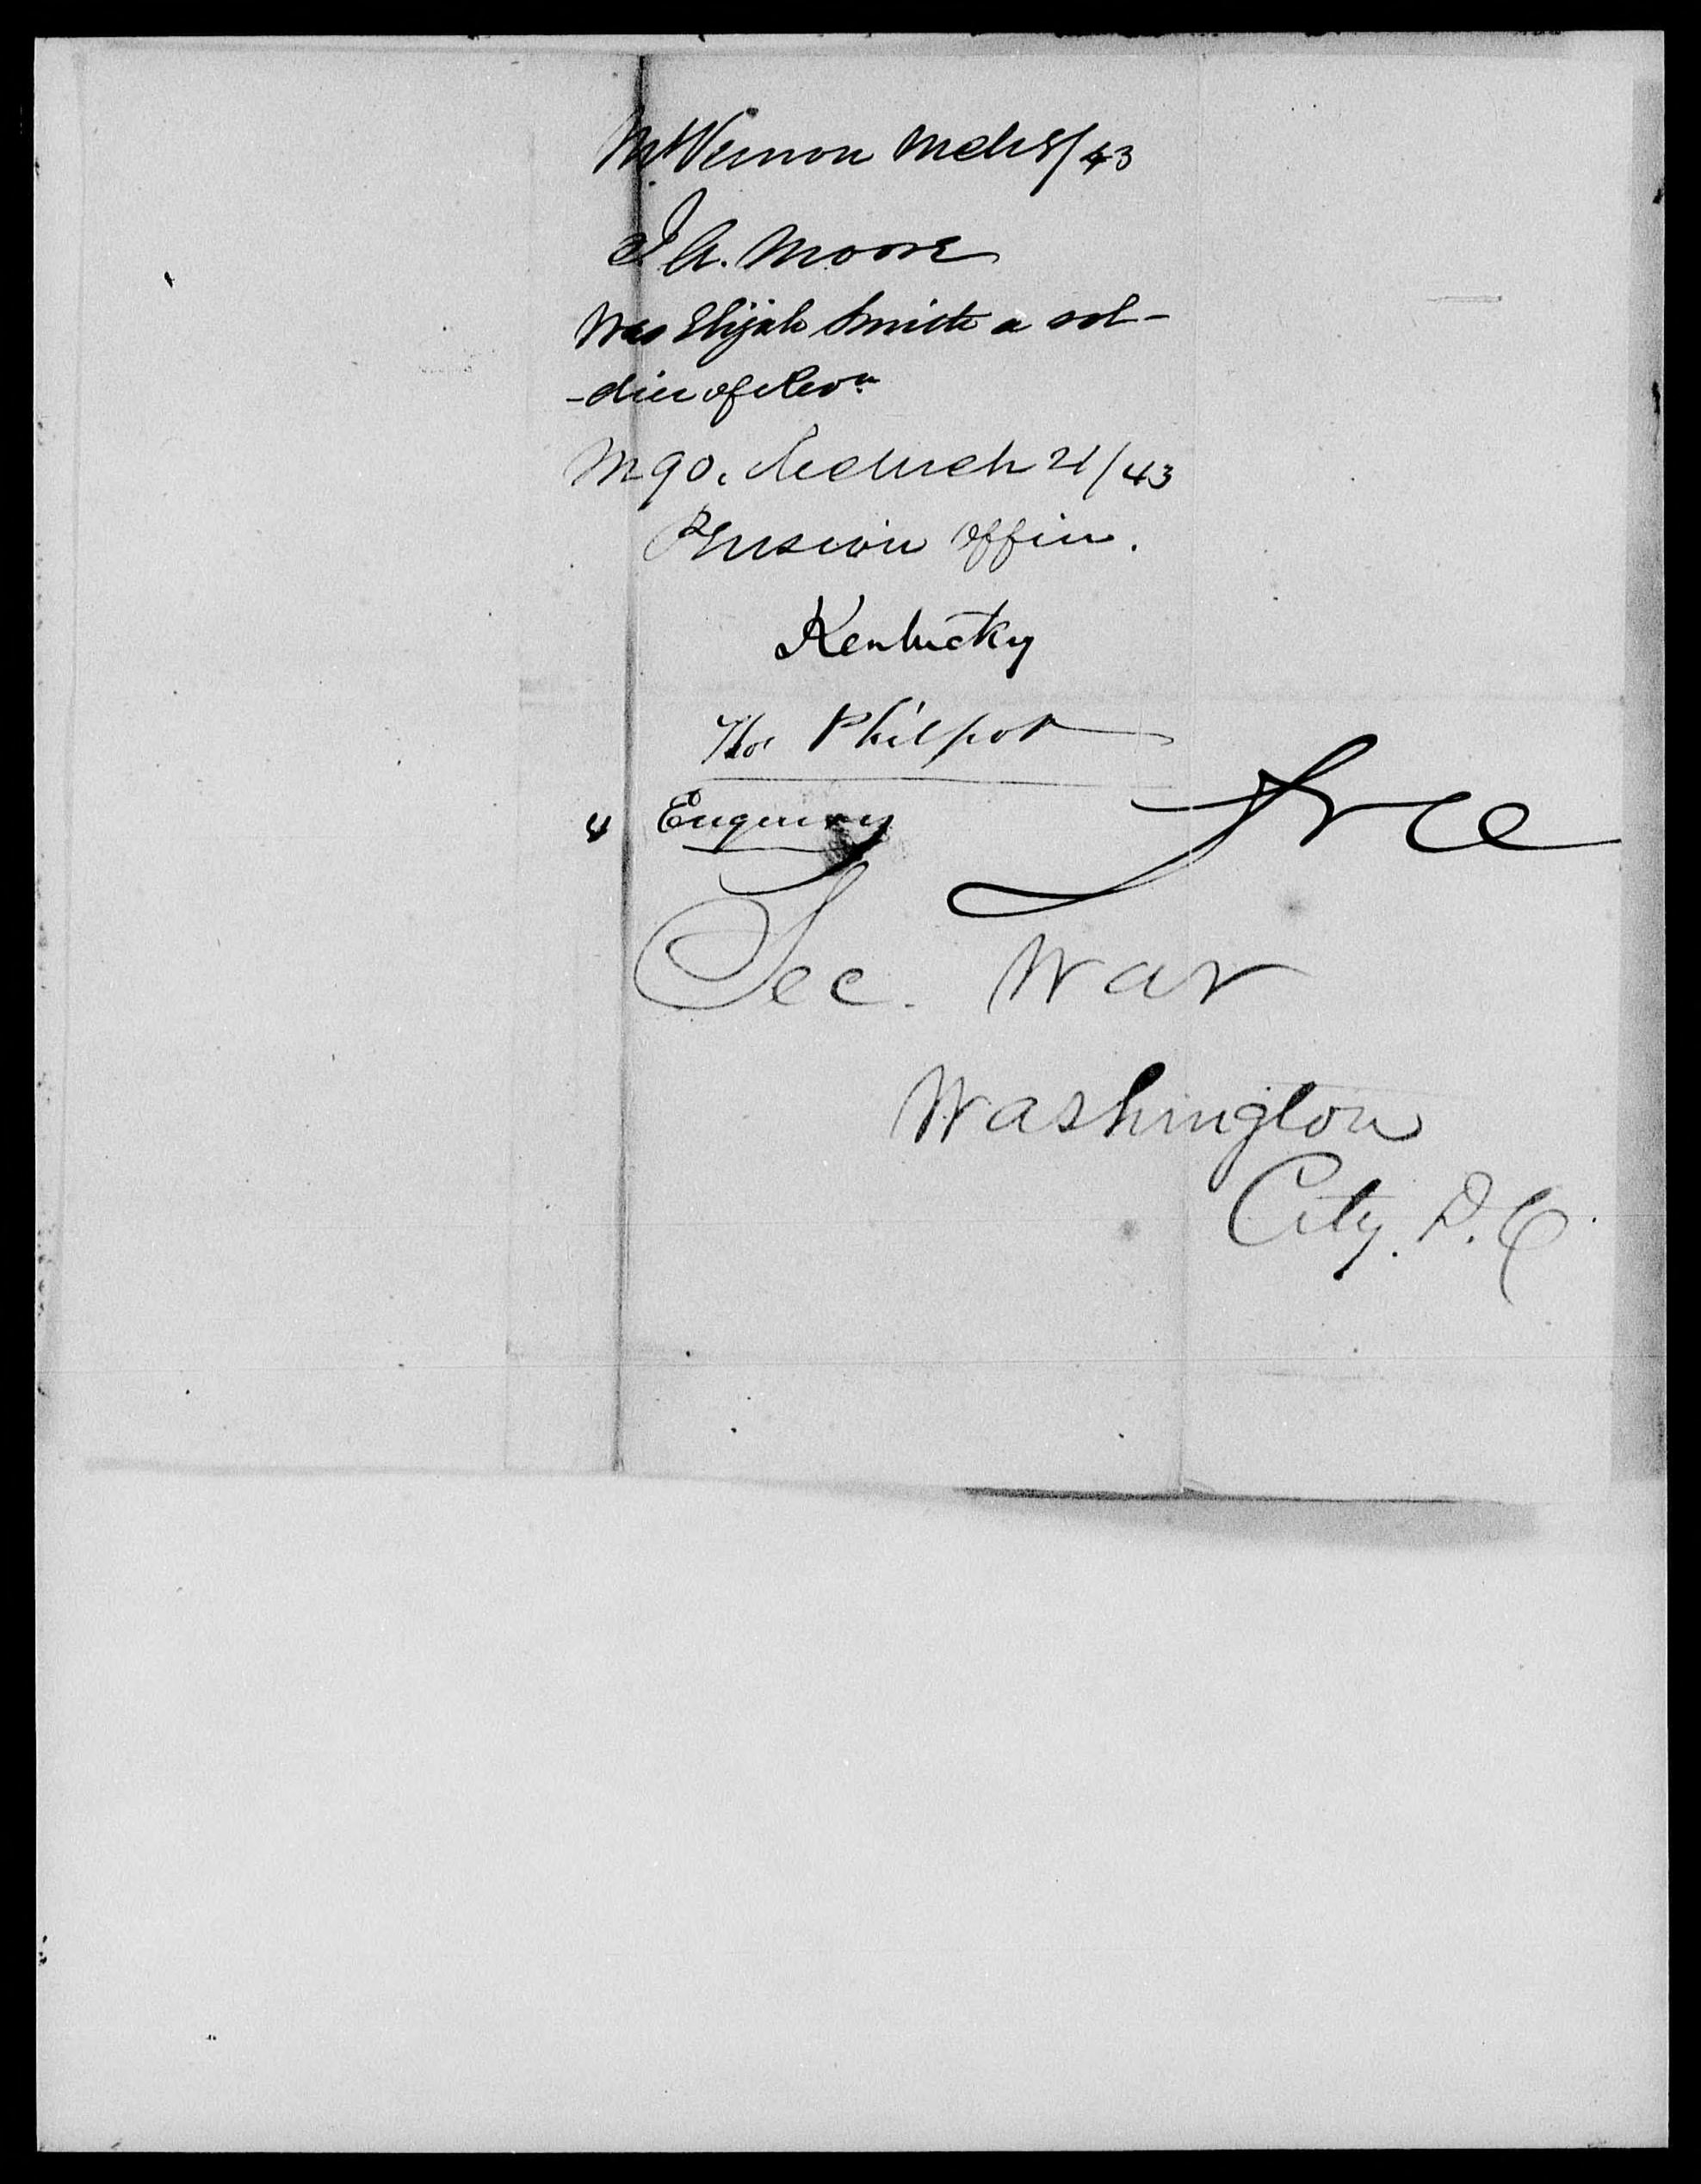Mt Vernon Mch 8/43
JA Moore
was Elijah Smith a soldier of Rev
M90 Res Mrch 21/43
Pension Office
Kentucky
Thos Philpot
Emergency
Free
Sec War
Washington City DC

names: J A Moore; Elijah Smith; Thos Philpot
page: 40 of 43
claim: rejected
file: R. 8217, for Thomas Philpot, South Carolina